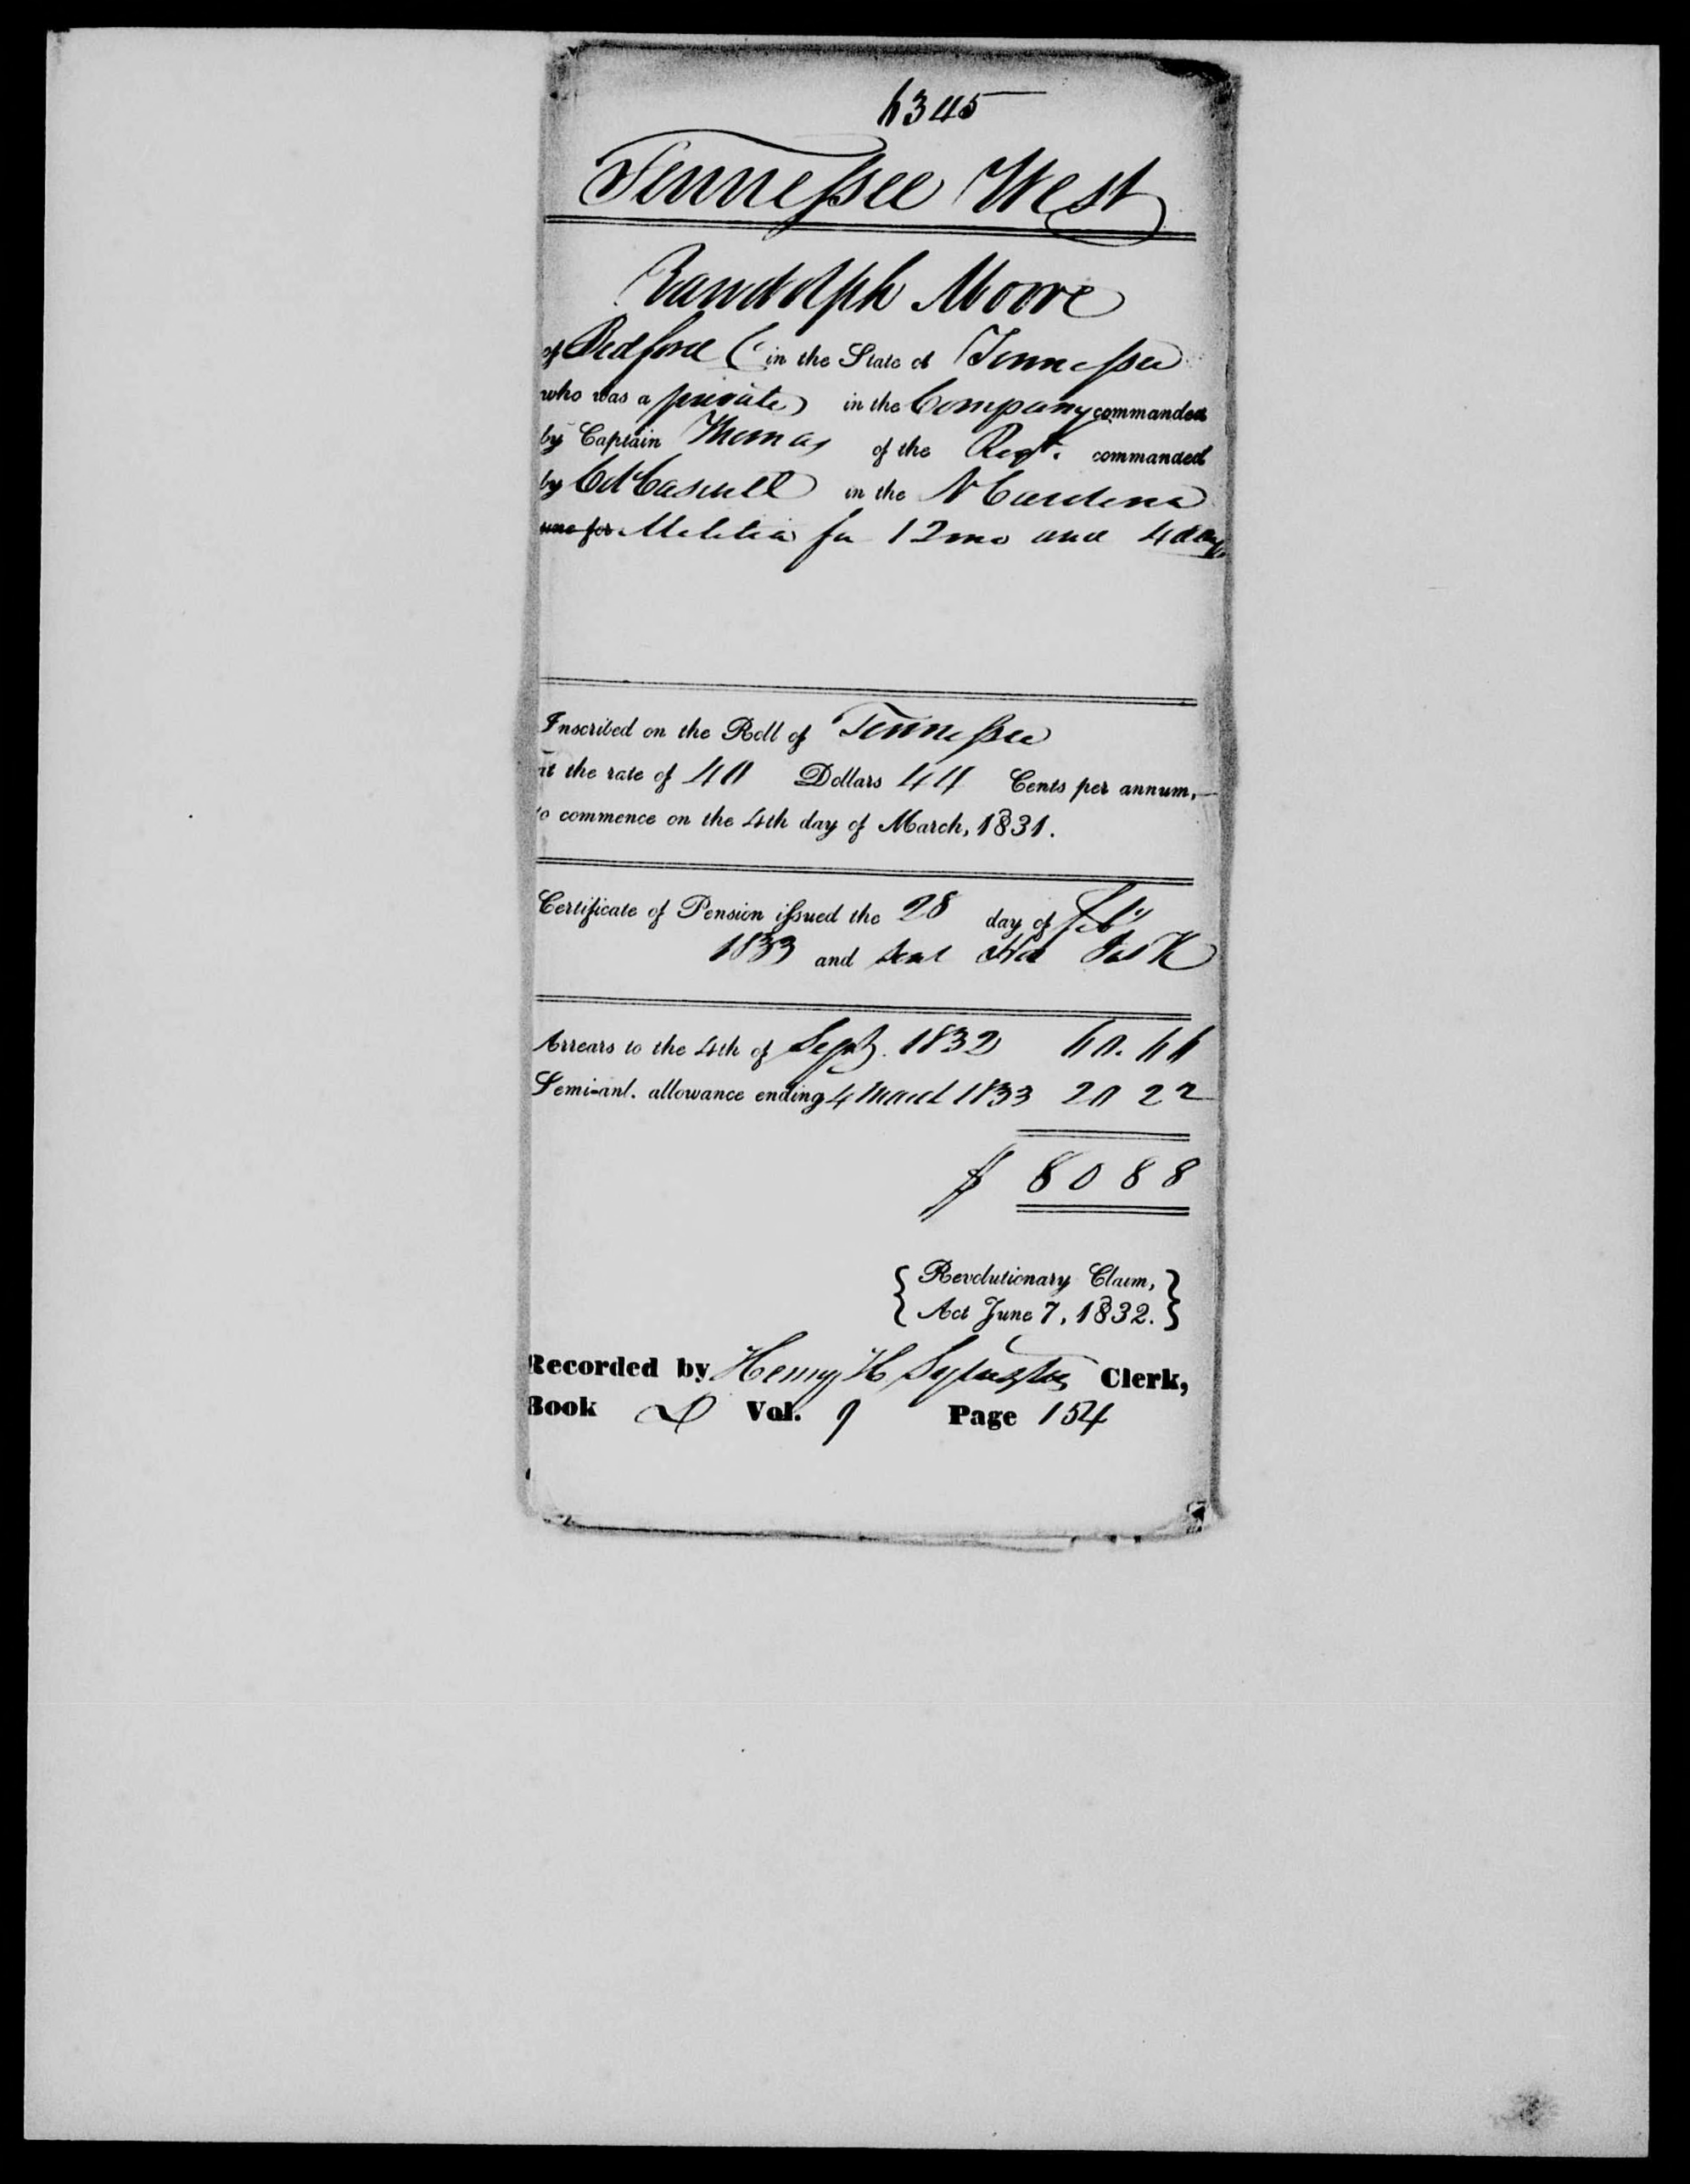6345
Tennessee West
==============================
Randolph Moore
of Bedford Co. in the State of Tennessee
who was a private in the Company commanded by Captain Thomas of the Reg't. commanded by Col. Caswell in the N. Carolina Militia for 12 mos. and 4 days
=============================
Inscribed on the Roll of Tennessee
at the rate of 40 Dollars 44 Cents per annum, to commence on the 4th day of March, 1831.
==============================
Certificate of Pension issued the 28 day of Feb. 1833 and sent Hon. Jas K
==============================
Arrears to the 4th of Sept. 1832  60.66
Semi-anl. allowance ending 4 March 1833  20.22=$80.88
{Revolutionary Claim,}
{Act June 7, 1832.}
Recorded by Henry H. Sylvester Clerk,
Book D. Vol. 9 Page 154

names: [BLANK] Caswell; Randolph Moore; Henry H Sylvester; [BLANK] Thomas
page: 3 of 33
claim: widow's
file: W. 52, for Randolph Moore, North Carolina